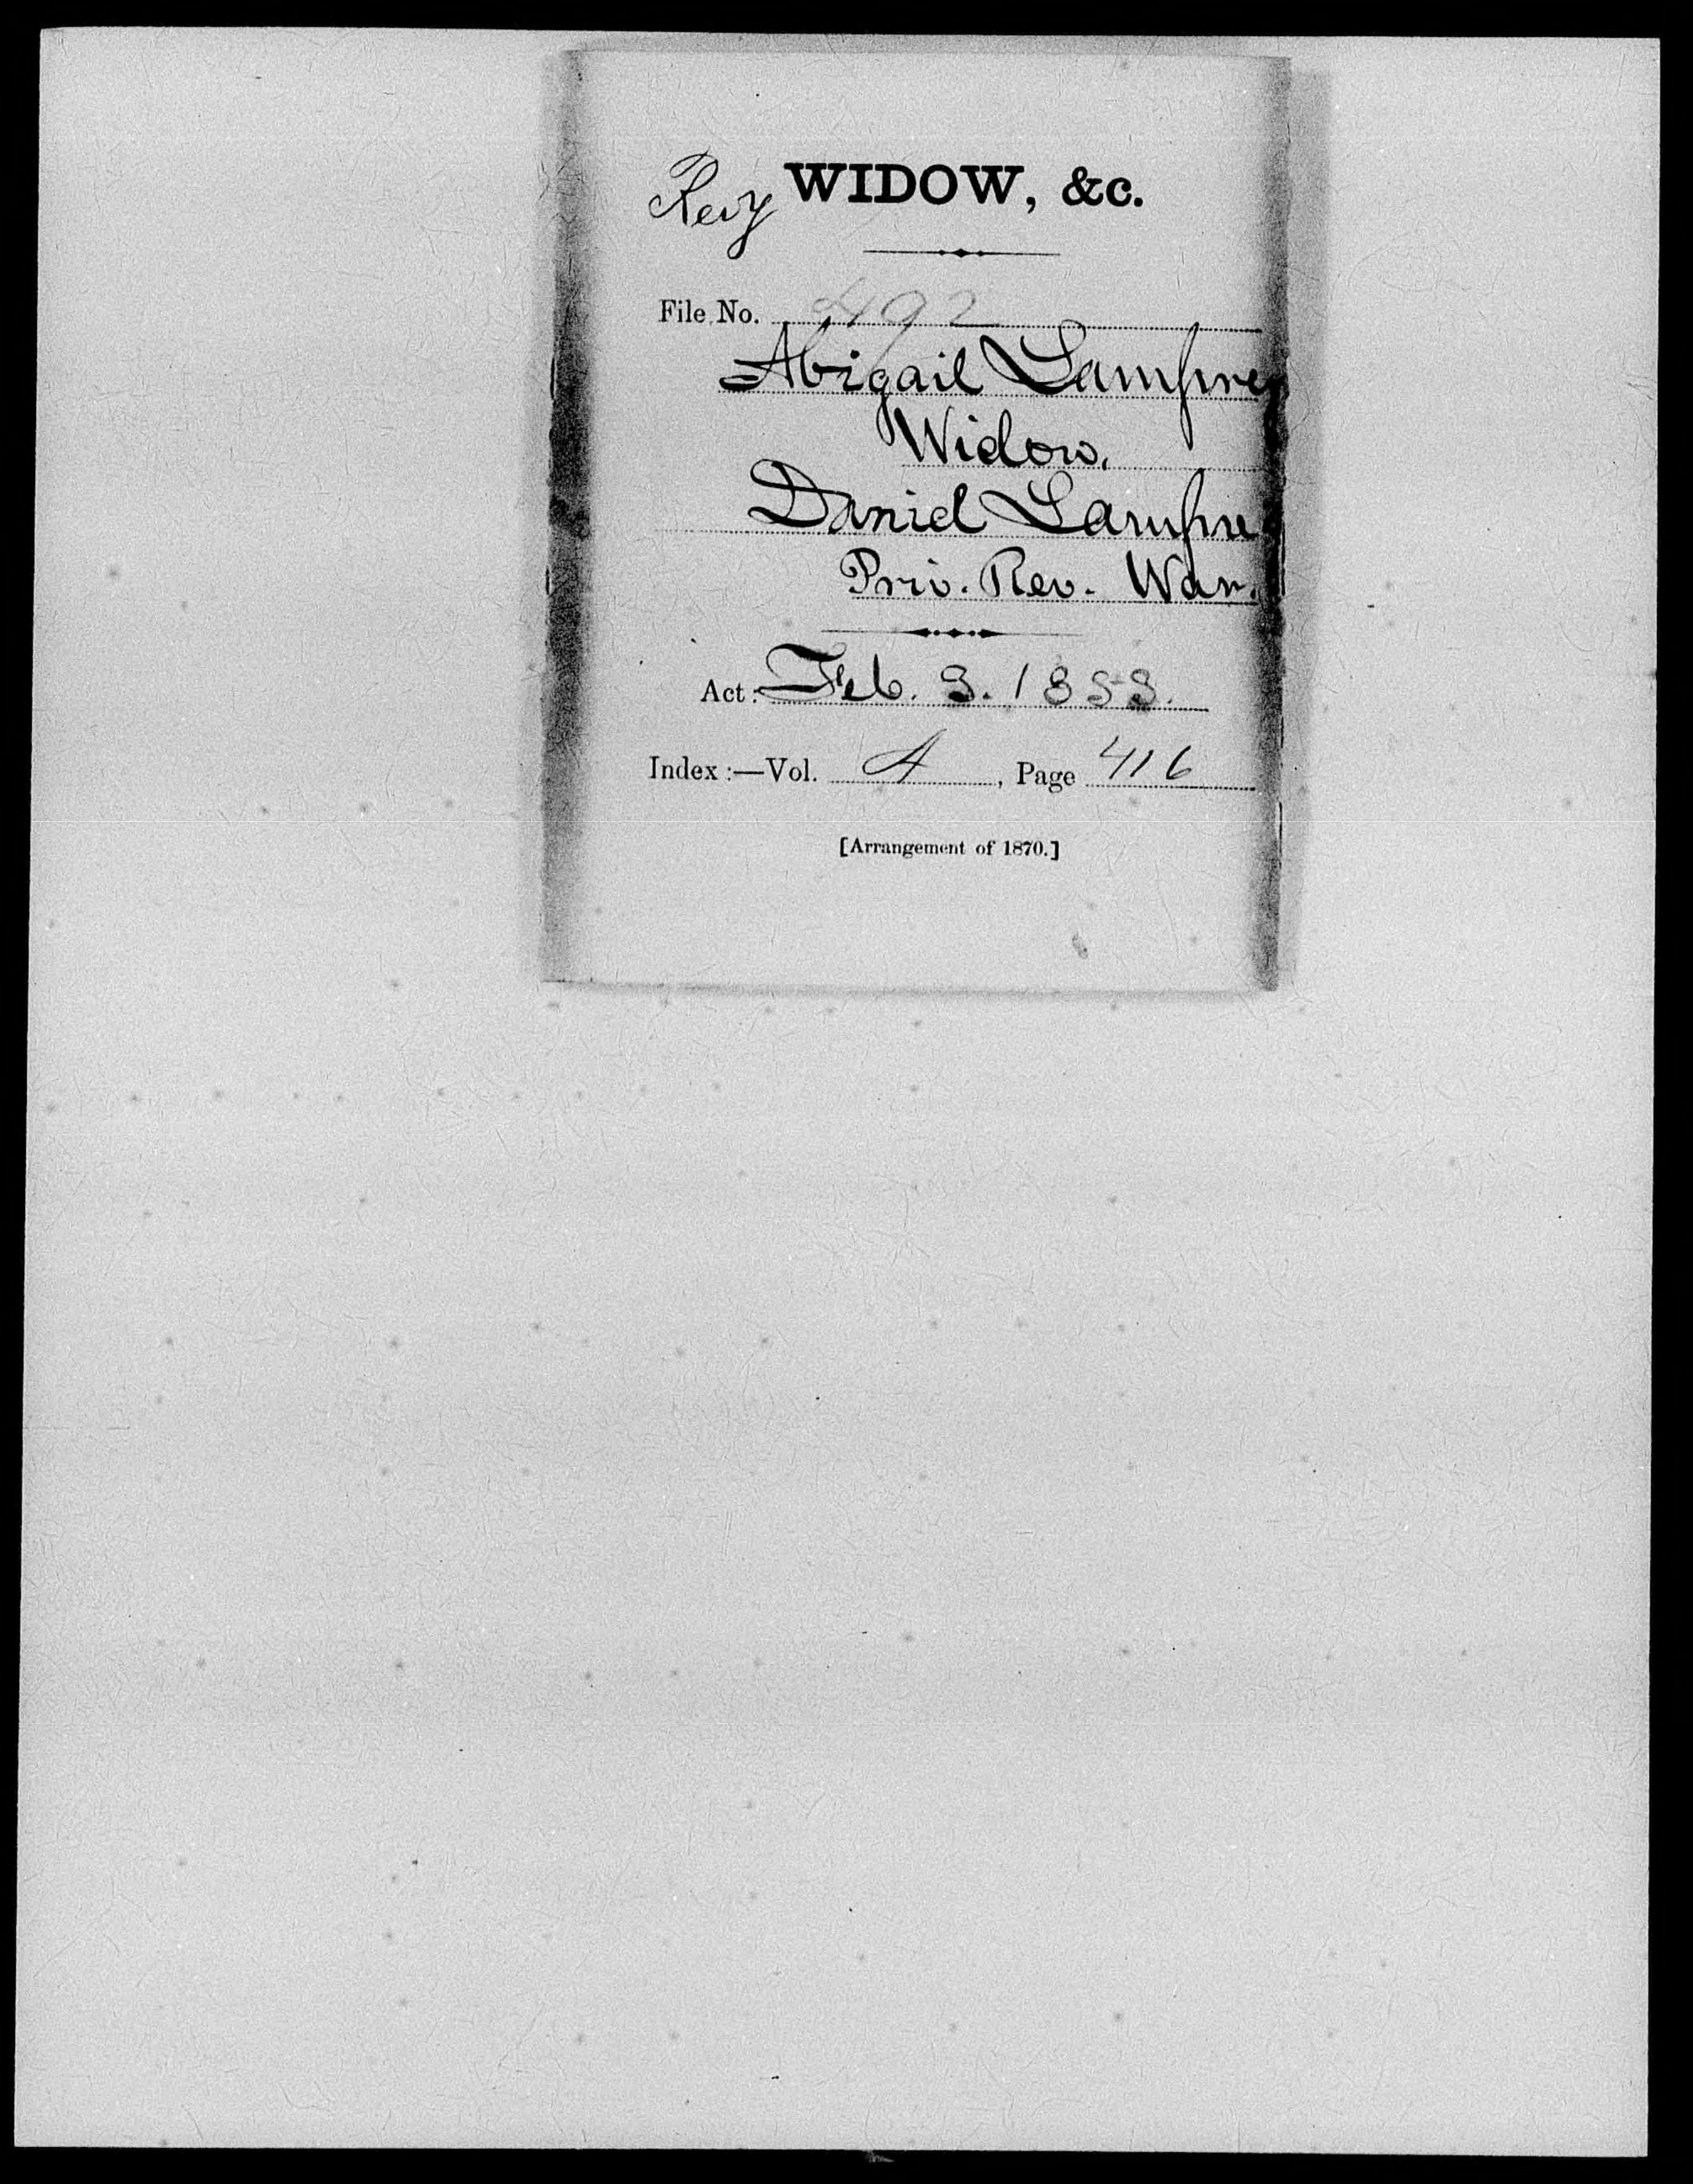Revy [REVOLUTIONARY] WIDOW &c. [ETC]
File No. 492 
Abigail Lamprey Widow. Daniel Lamprey Priv. [PRIVATE] Rev. [REVOLUTIONARY] War
Act. Feb 3. 1855.
Index:--Vol. A, Page 416
[Arrangement of 1870]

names: Abigail Lampre; Daniel Lampre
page: 21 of 53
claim: widow's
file: W. 492, for Daniel Lamprey, New Hampshire